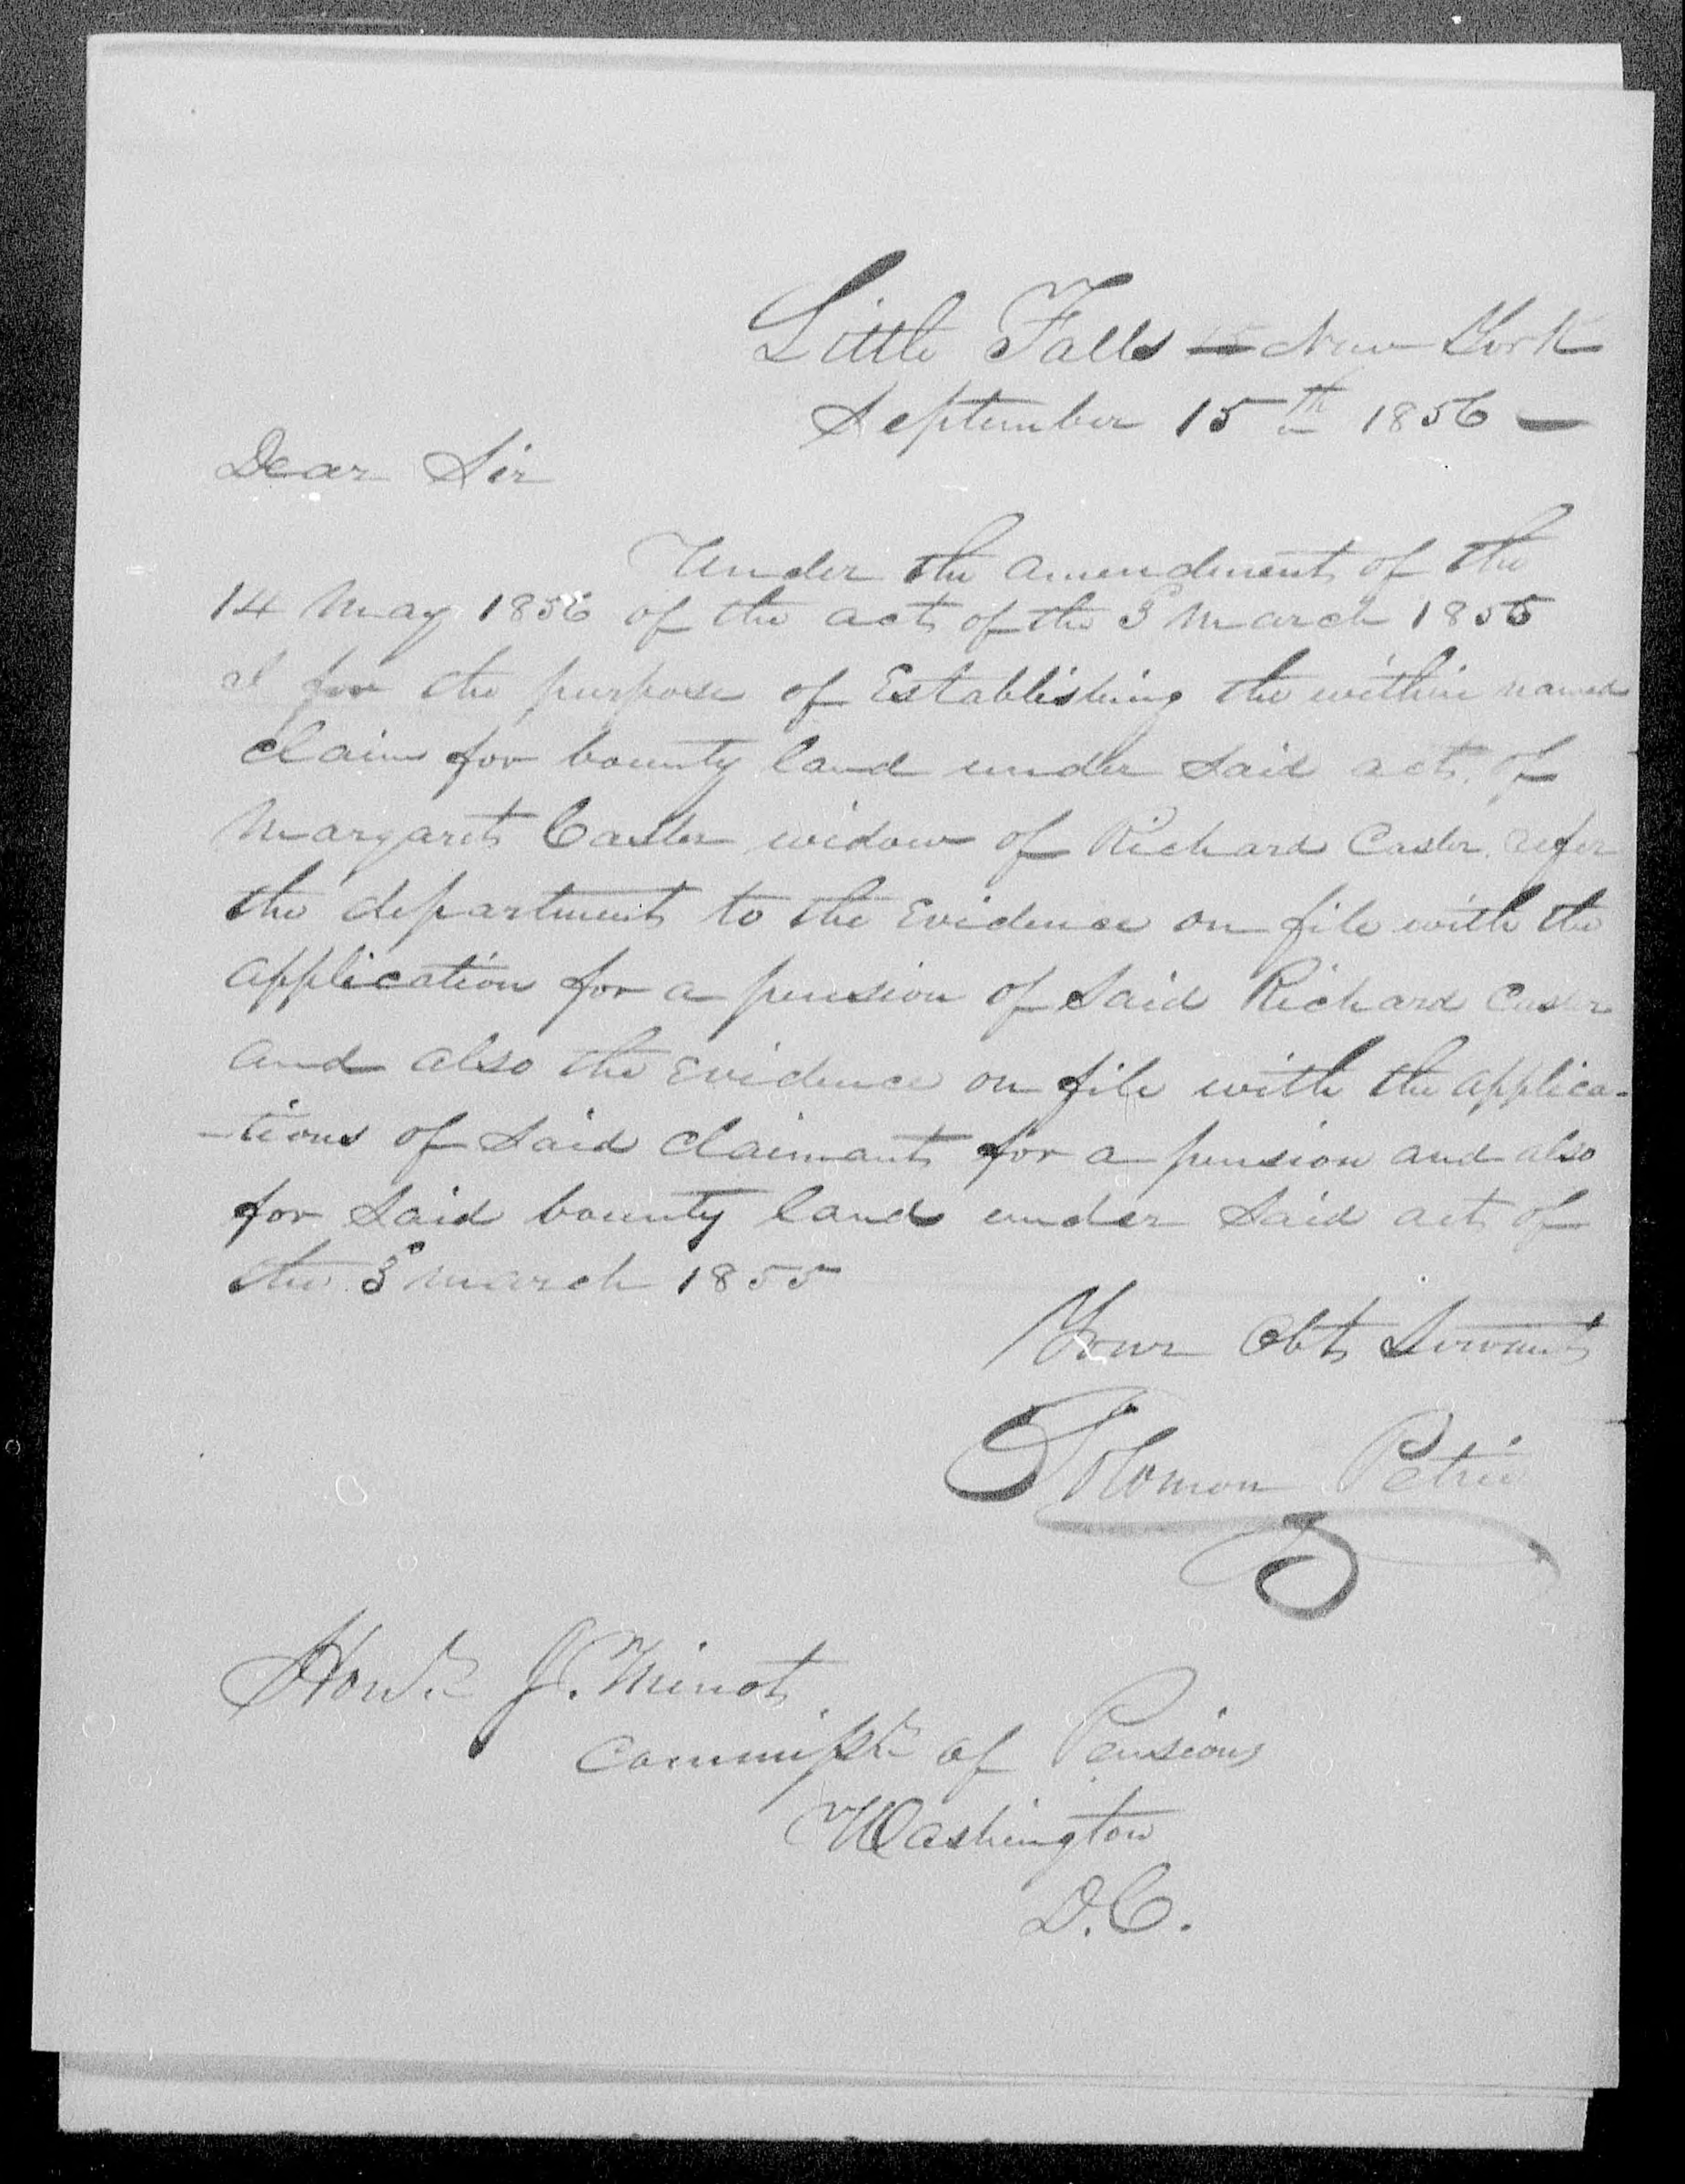Little Falls New York 
September 15th 1856 – 
Dear Sir 
Under the amendment of the 14 May 1856 of the act of the 3d March 1855 I for the purpose of establishing the within named claim for bounty land under said act of Margaret Casler widow of Richard Casler refer the department to the evidence on file with the application for a pension of said Richard Casler and also the evidence on file with the applications of said claimant for a pension and also for said bounty land under said act of the 3d March 1855 
Your Obt Servant 
[signed] Solomon Petrie

Hon. J. Minot 
Commissr of Pensions 
Washington D.C.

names: J Minot, Margaret Casler, Richard Casler, Solomon Petrie, Richard Casler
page: 39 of 66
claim: widow's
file: W. 6637, Richard Caslar, New York